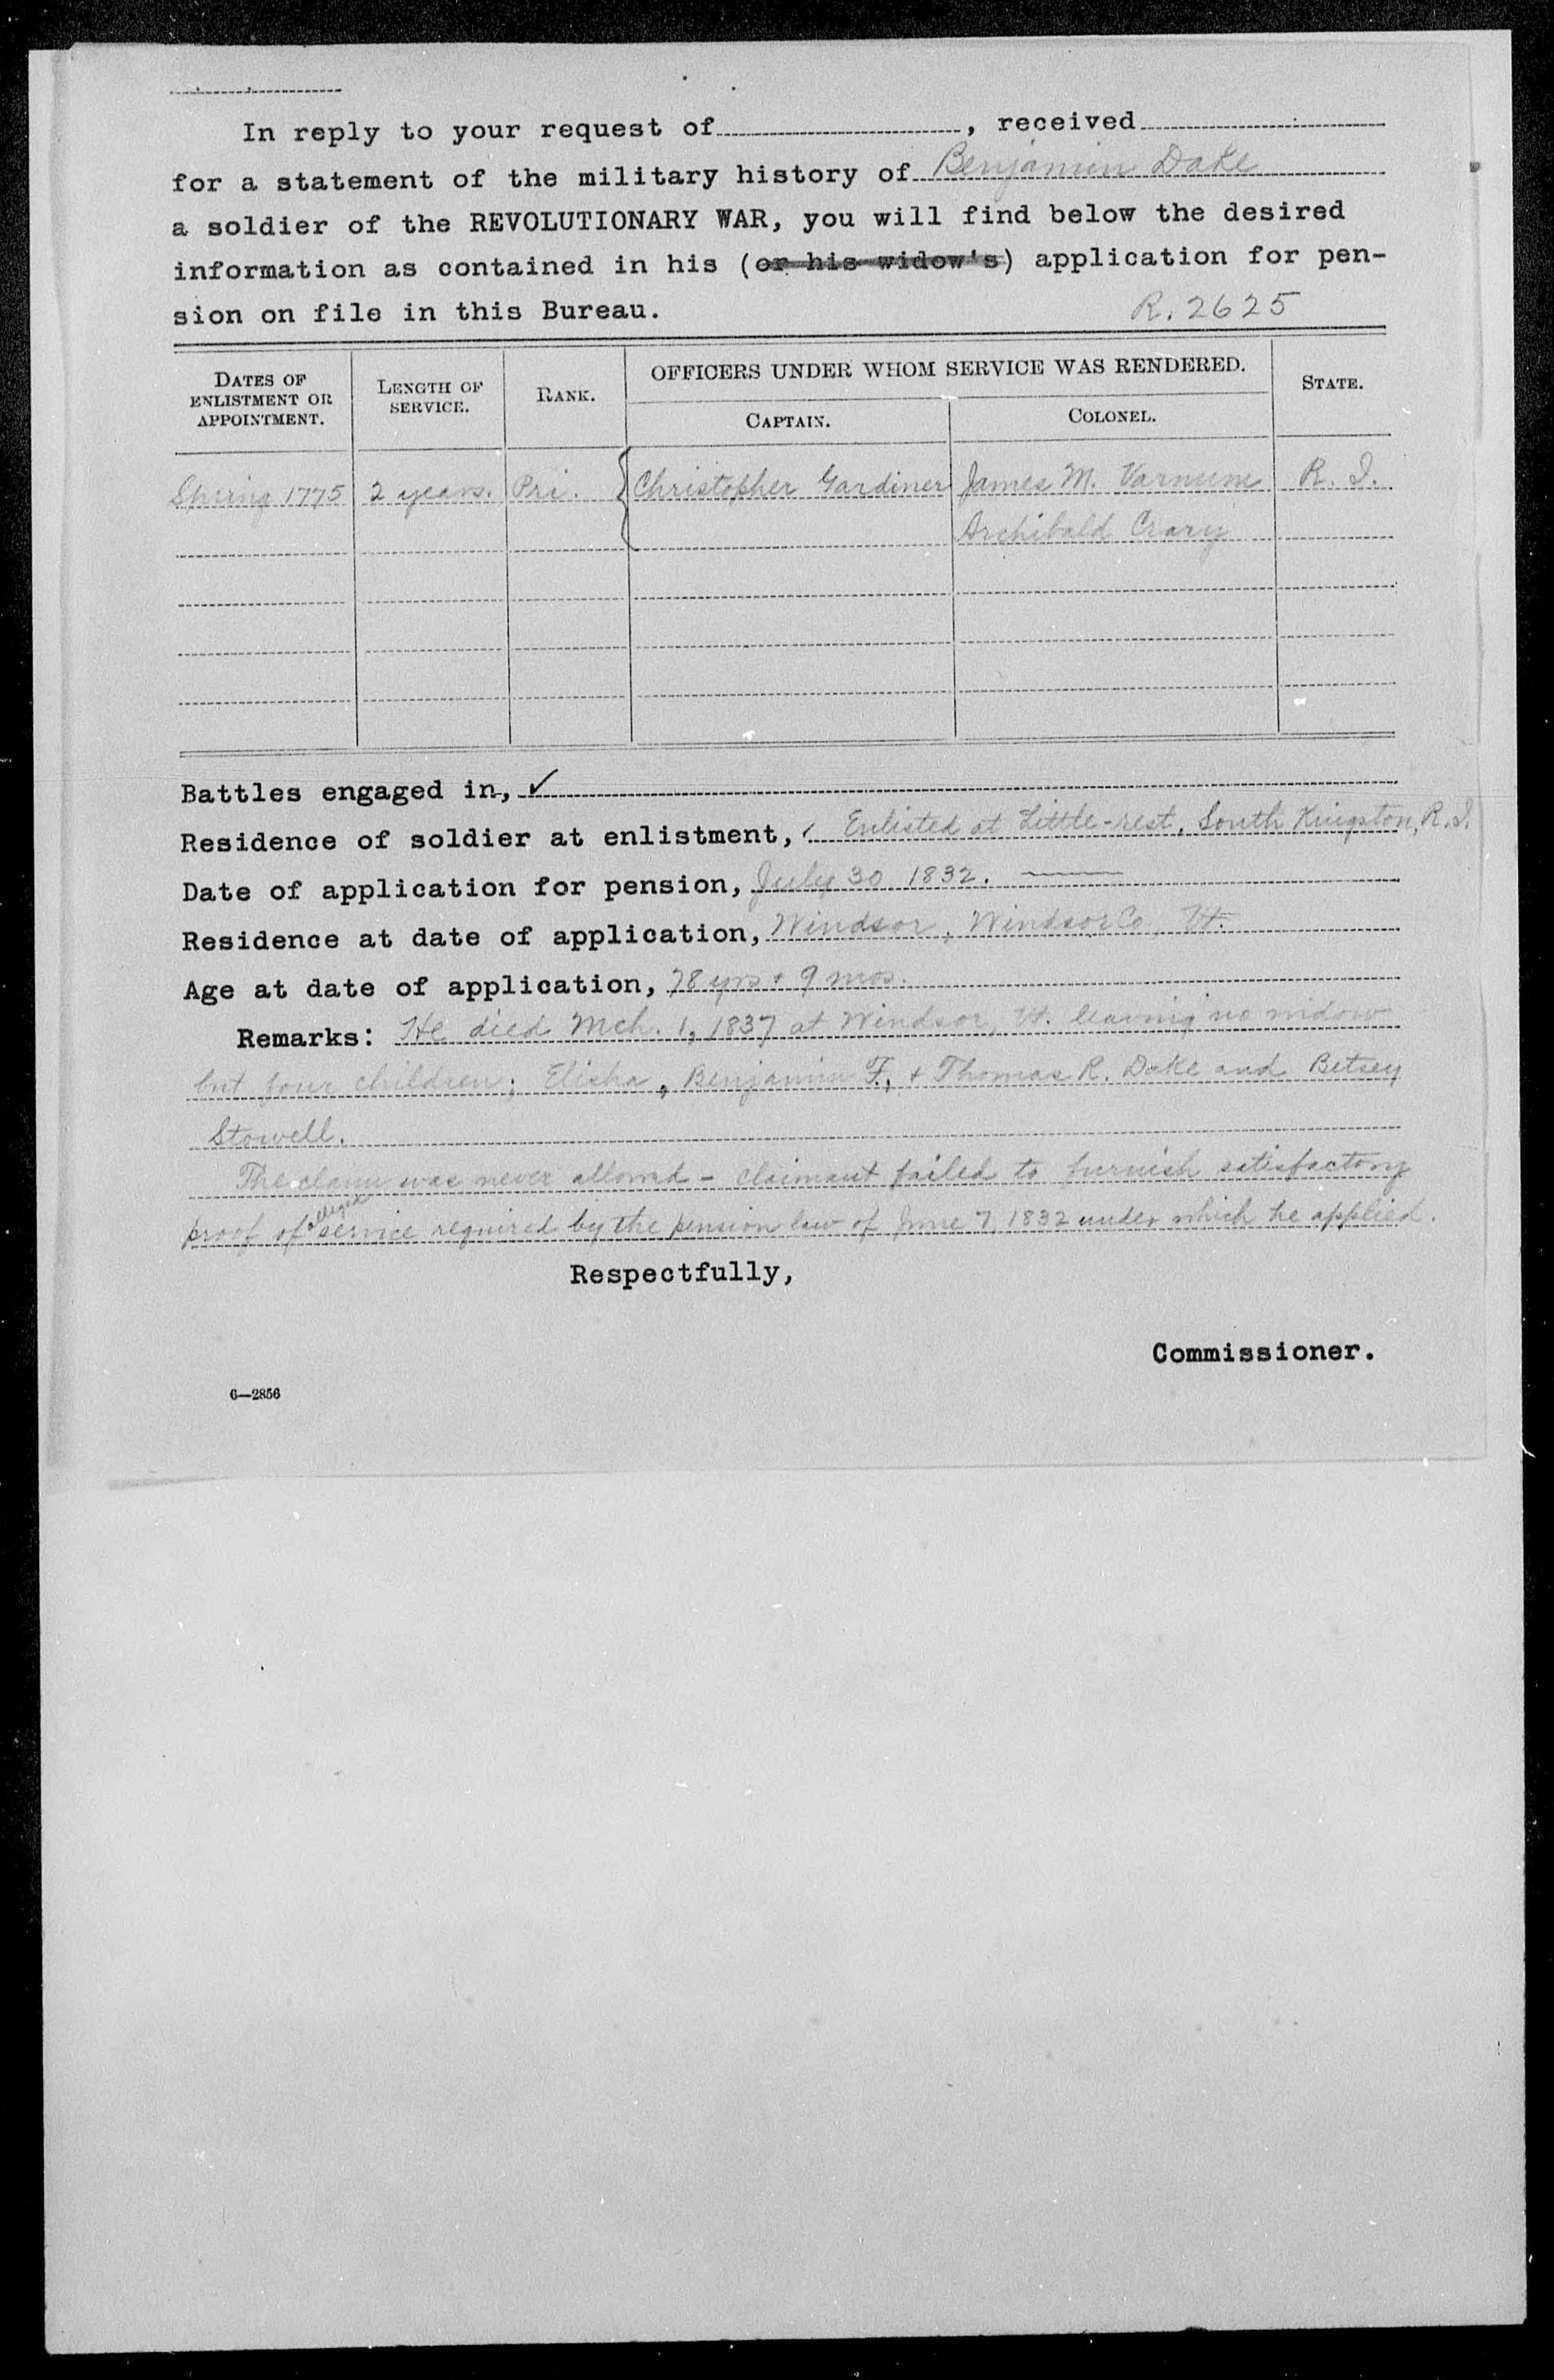In reply to your request of [blank], received [blank] for a statement of the military history of Benjamin Dake a soldier of the  REVOLUTIONARY WAR, you will find below the desired information as contained in his (or his widow's) application for pension on file in this Bureau.
R. 2625

DATES OF
ENLISTMENT OR
APPOINTMENT.
Spring 1775
LENGTH OF
SERVICE.
2 years.
RANK.
P.
OFFICERS UNDER WHOM SERVICE WAS RENDERED.
CAPTAIN.
Christopher Gardiner
COLONEL.
James M. Varnum
┃ Archibald Crary
STATE.
R.I.
Battles engaged in, [blank]
Residence of soldier at enlistment, Enlisted at Little rest South Kingston, R. I.
Date of application for pension, July 20 1832.
Residence at date of application, Windsor, Windsor Co, Vt
Age at date of application, 78 yrs 9 mos.
Remarks: He died Mch. 1, 1837 at Windsor, Vt. leaving no widow but four children, Elisha, Benjamin F. & Thomas R. Dake and Betsey Stowell
The claim was never allowed - claimant failed to furnish satisfactory proof of service required by the pension law of June 7, 1832 under which he applied
Respectfully,
6 -- 2856
Commissioner.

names: Betsey Stowell, James M Varnum, Elisha, Benjamin Dake, Thomas R Dake, Benjamin F, Christopher Gardiner, Archibald Crary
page: 42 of 42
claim: rejected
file: R. 2,625, Benjamin Dake, R.I.